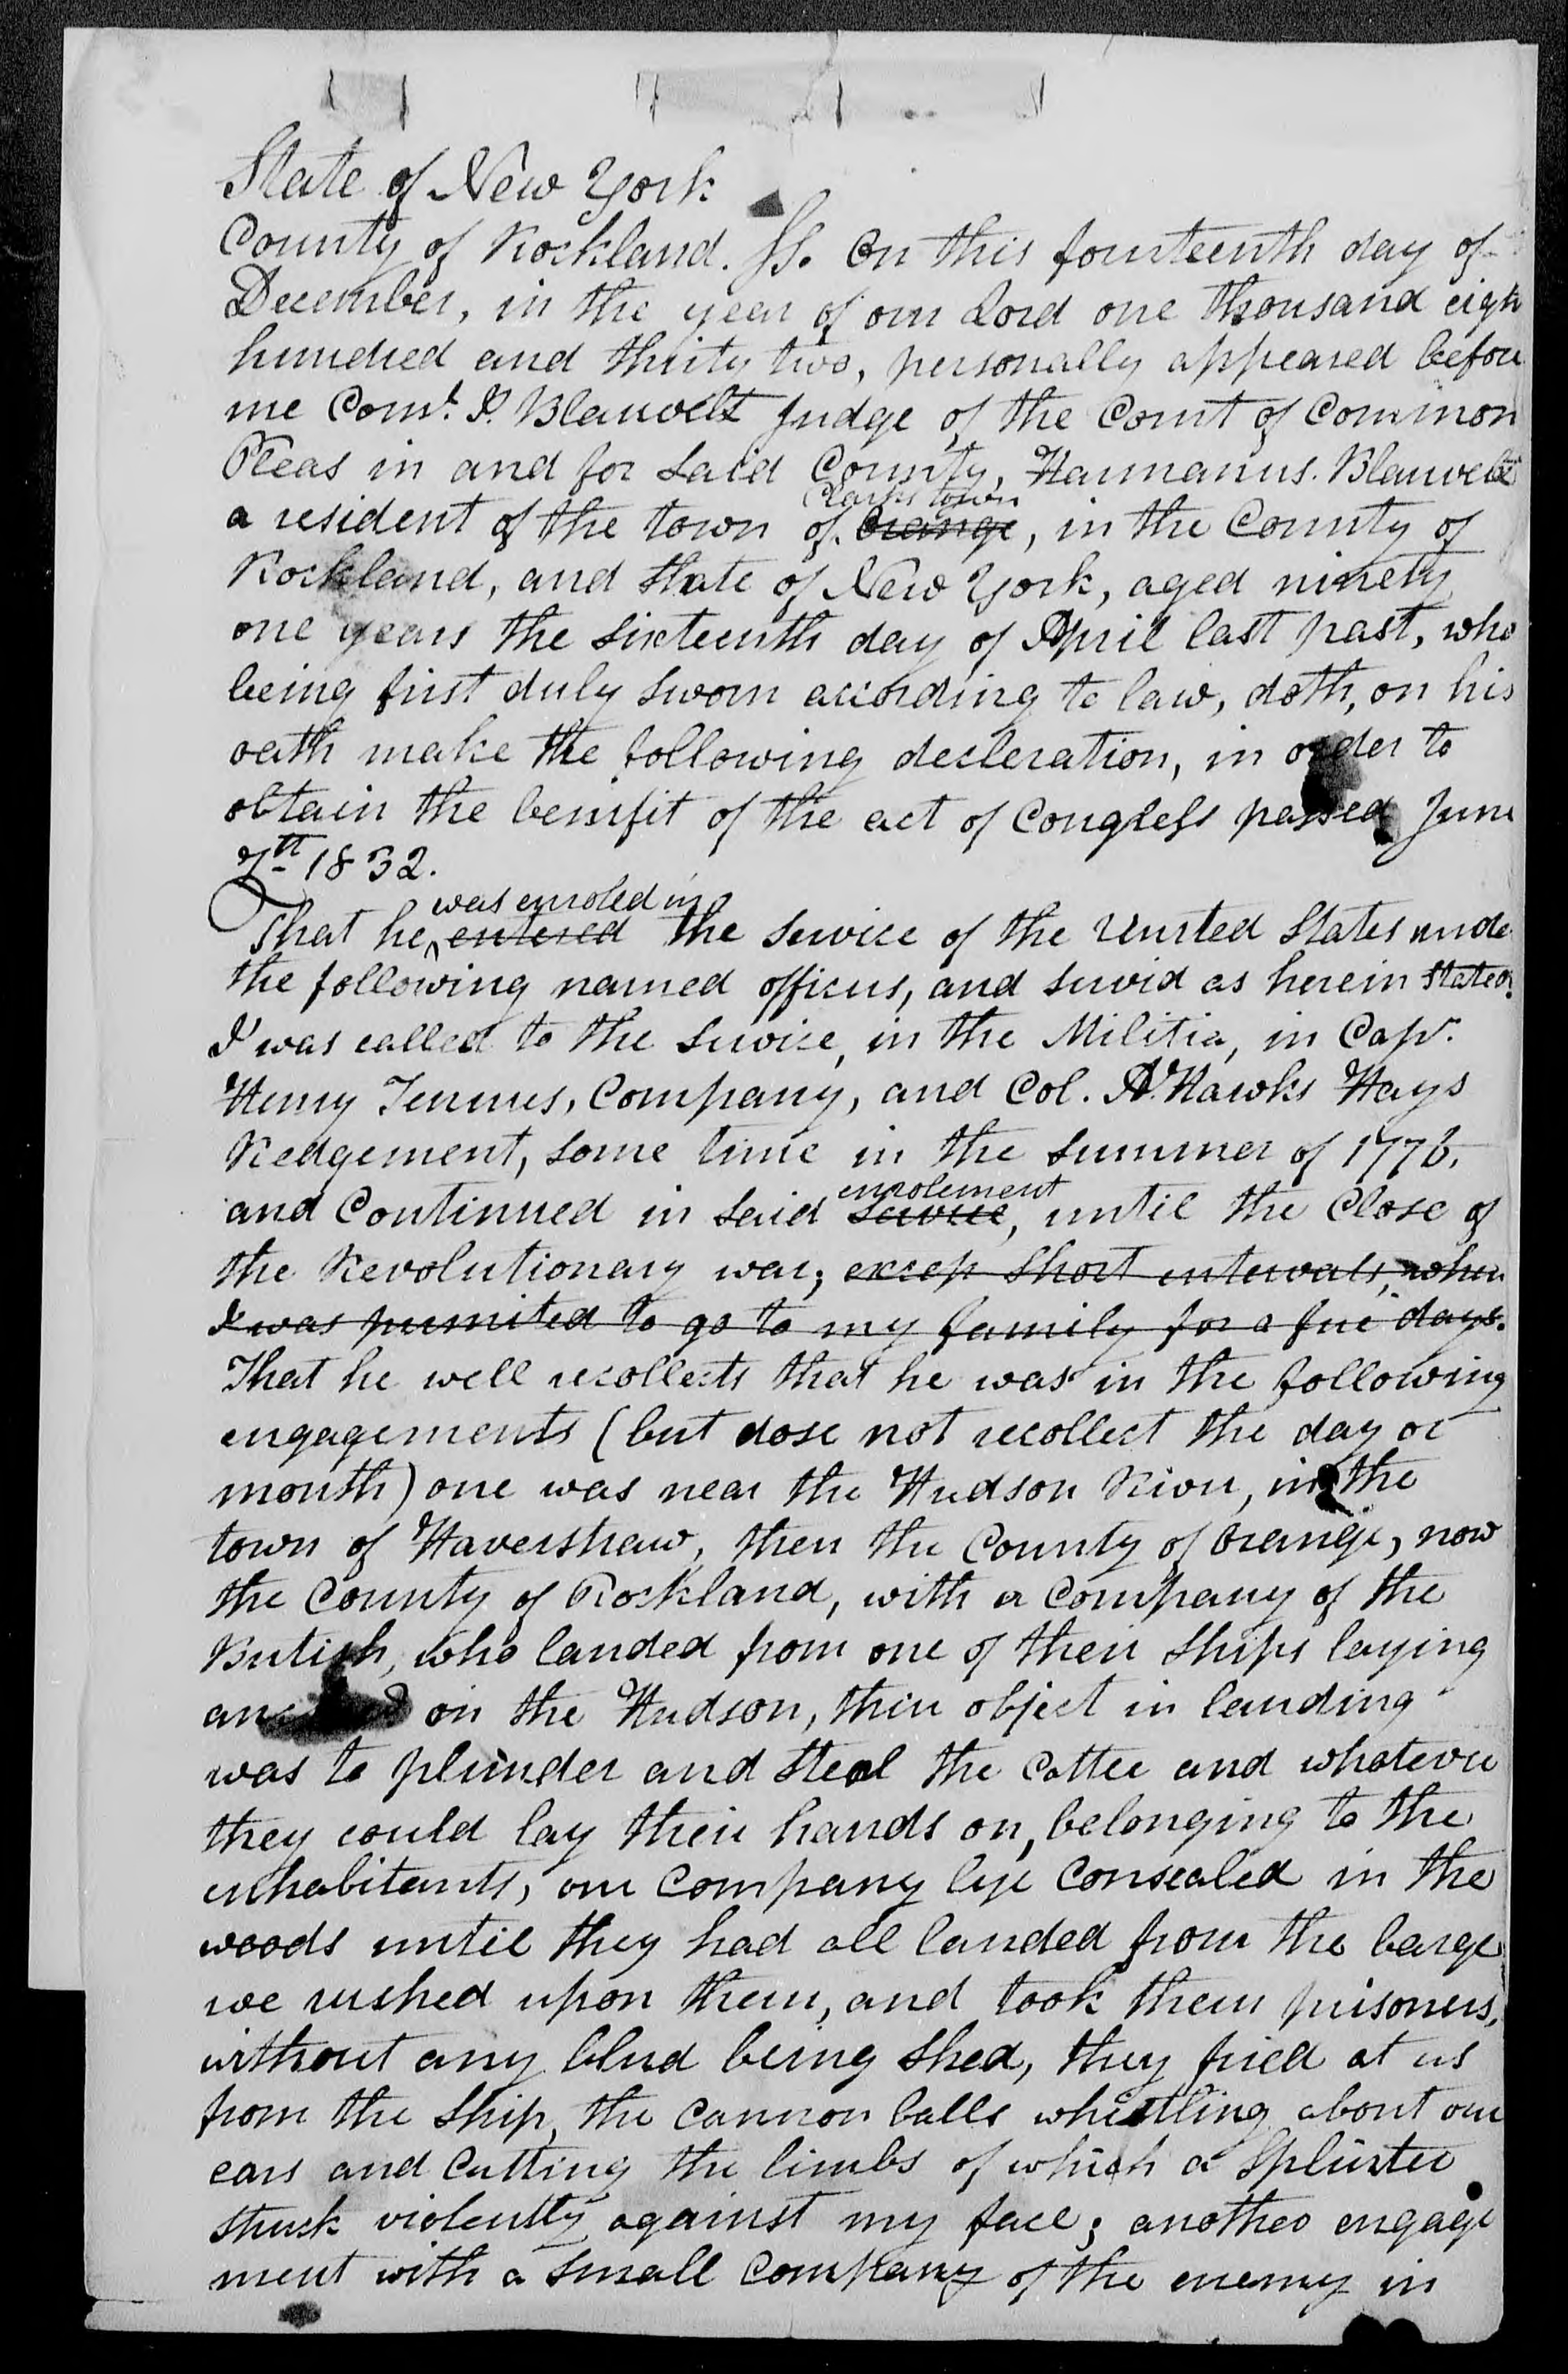State of New York
County of Rockland, Ss.  on this fourteenth day of December, in the year of our Lord one thousand eight hundred and thirty two, personally appeared before me Comt G. Blauvelt Judge of the County of Common Pleas in and for said County, Harmanus Blauvelt a resident of the town of [Orange, crossed out] Clarkstown, in the County of Rockland, and State of New York, aged ninety one years the sixteenth day of April last past, who being first duly sworn according to law, doth, on his oath make the following declaration, in order to obtain the benefit of the act of Congress passed June 7th 1832.
That he was enrolled in [entered, crossed out] the service of the United States under the following named officers, and served as herein stated. I was called to the service, in the Militia, in Capt. Henry Tenure [or poss. Leumes or Teunes], Company, and Col. A. Hawks Hays Regiment, some time in the summer of 1776, and Continued in said [service, crossed out] enrollment, until the close of the Revolutionary war, [except short intervals when I was permitted to go to my family for a few days, crossed out]. That he well recollects that he was in the following engagements (but does not recollect the day or month) one was near the Hudson River, in the town of Haverstraw, then the County of Orange, now the County of Rockland, with a Company of the British, who landed from one of their ships laying an [illegible] on the Hudson, their object in landing was to plunder and steal the cattle and whatever they could lay their hands on, belonging to the inhabitants, our Company lay concealed in the woods until they had all landed from the barge we rushed upon them, and took them prisoners, without any blood being shed, they fired at us from the ship, the cannon balls whistling about our ears and cutting the limbs of which a splinter struck violently against my face; another engagement with a small company of the enemy in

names: Harmanus Blauvelt, Blauvelt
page: 3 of 33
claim: survivor's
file: S. 22,653, Harmanus Blauvelt, New York